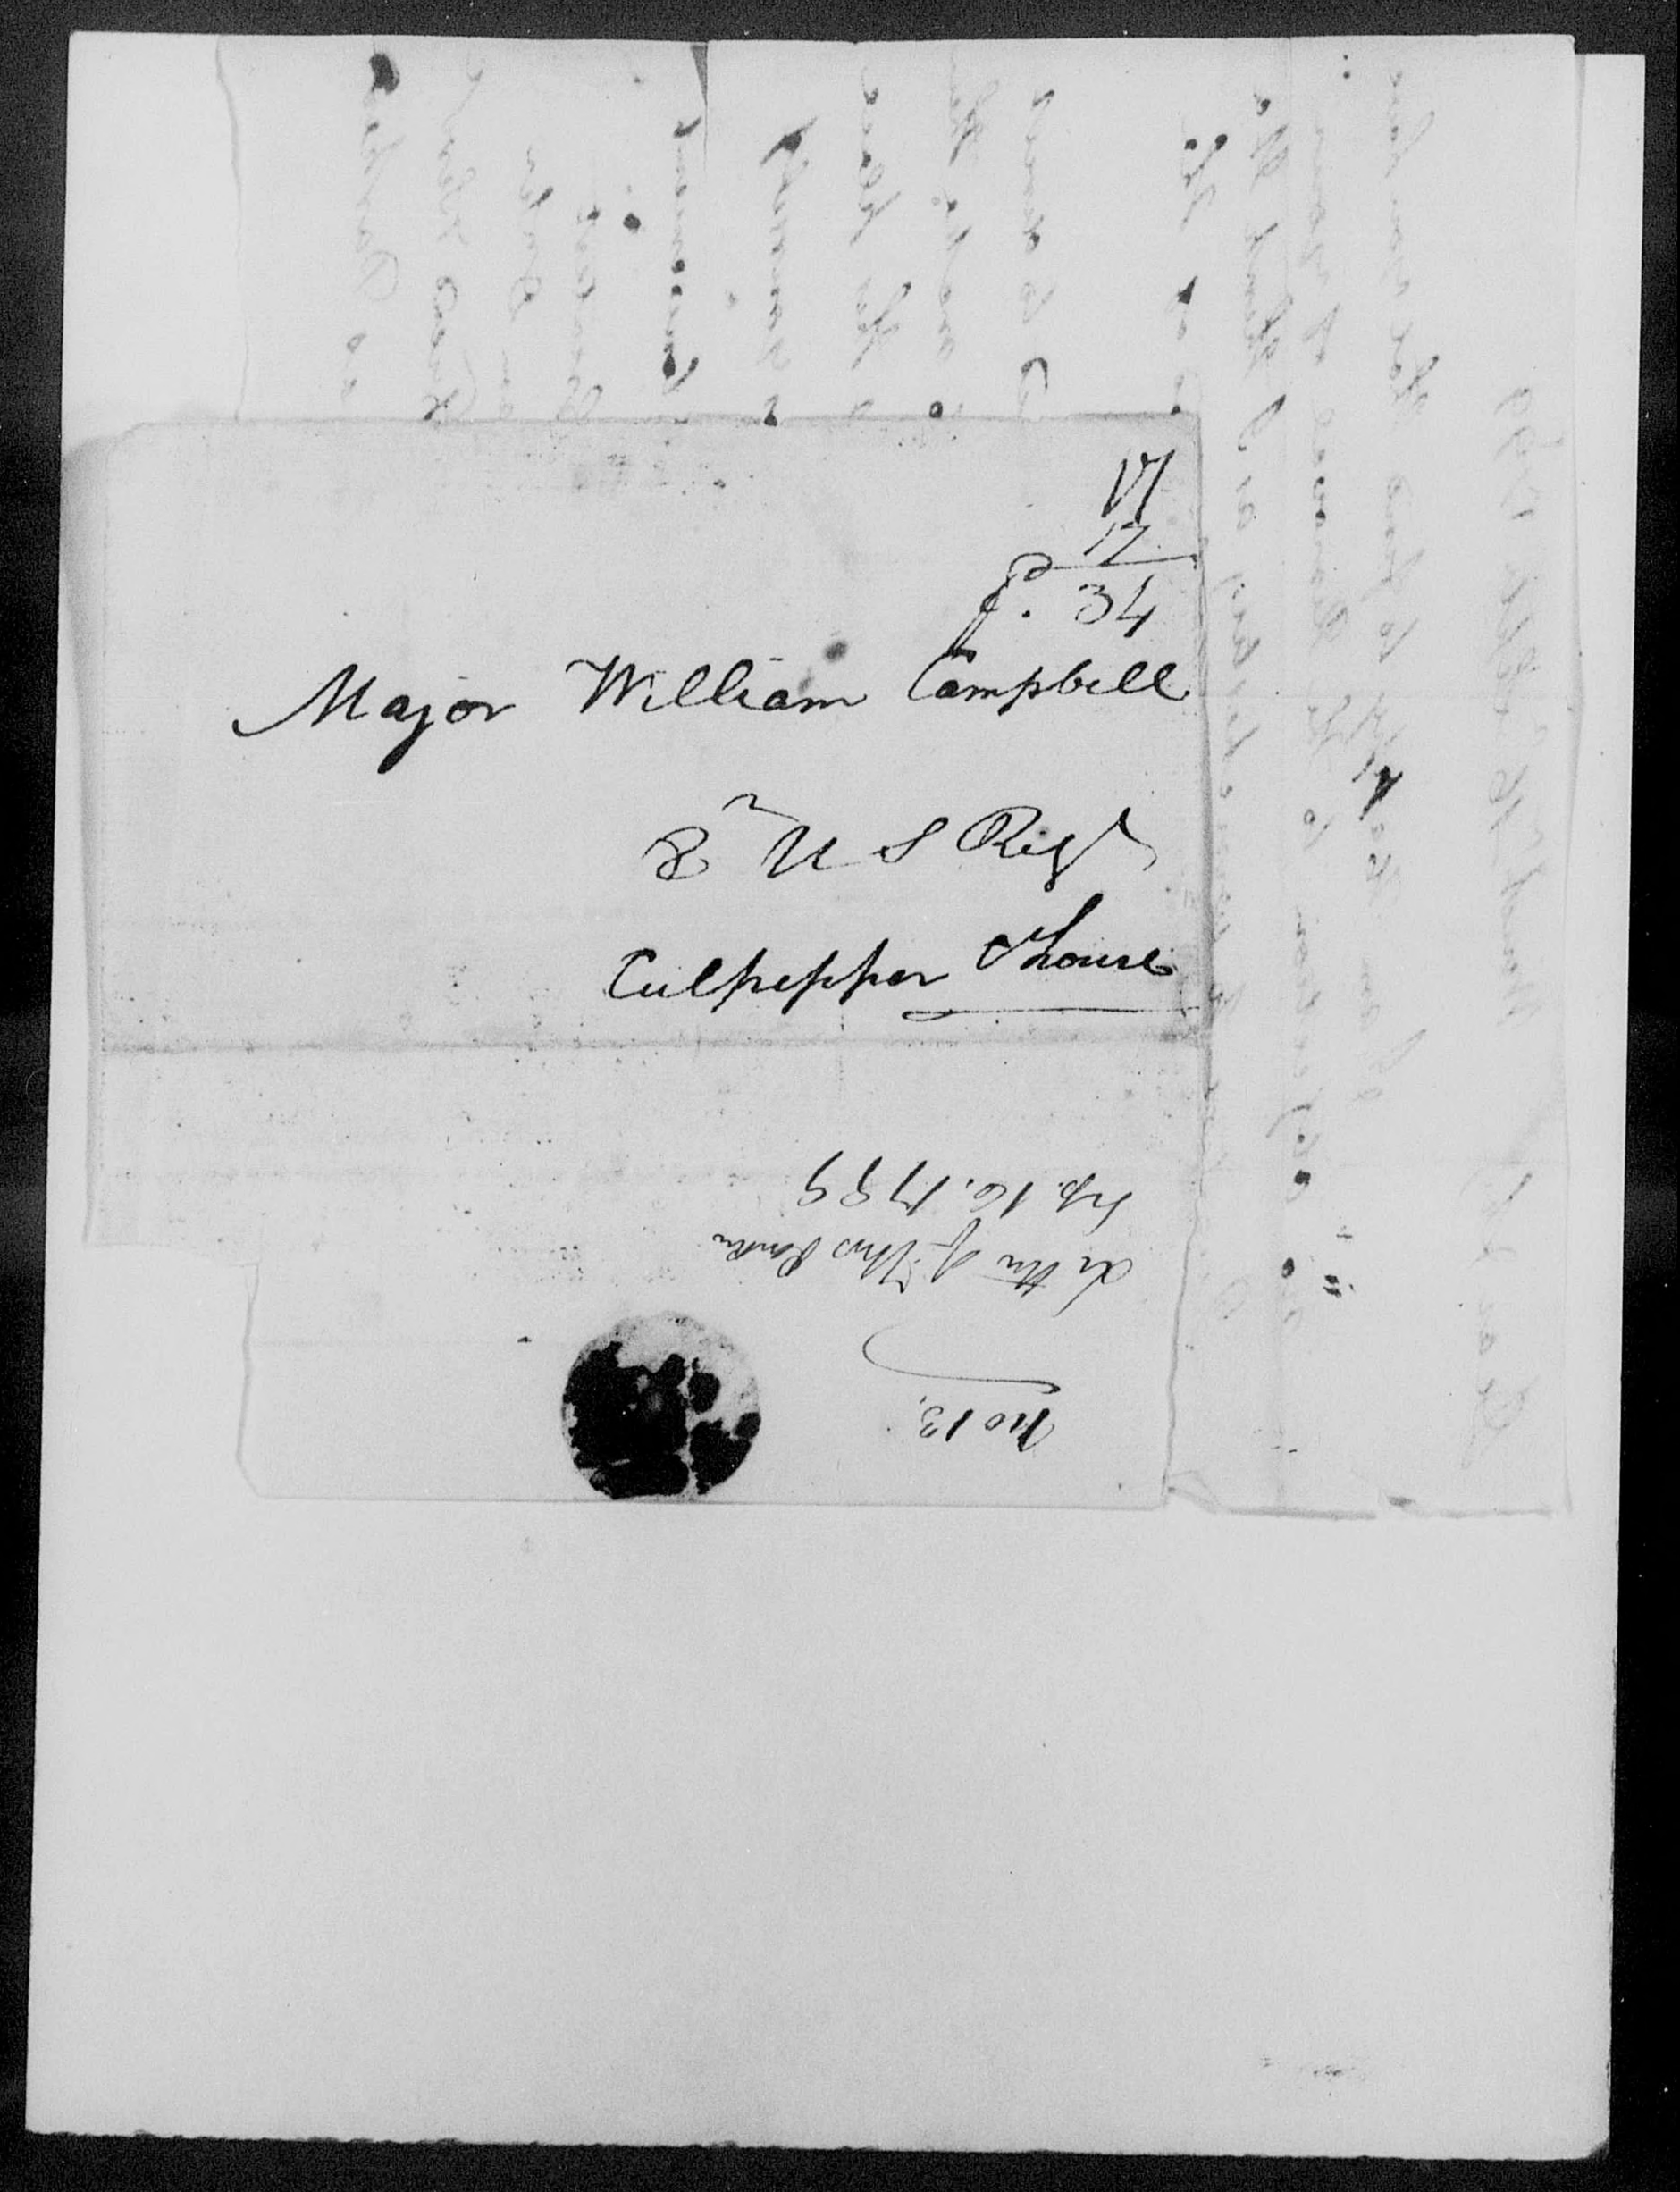17
17
P. 34
Maj William Campbell
8h.  U S Regt.
Culpepper House


[the following writing appears to be on another piece of paper and the writing is upside down in   reference to the writing above]

No 13.
letter of Thos Parker
Sep. 16. 1799

[Circular, partially darkened, residue observed beside the "No 13" words]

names: William Campbell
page: 91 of 267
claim: widow's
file: W. 4,149, William Campbell, Va.